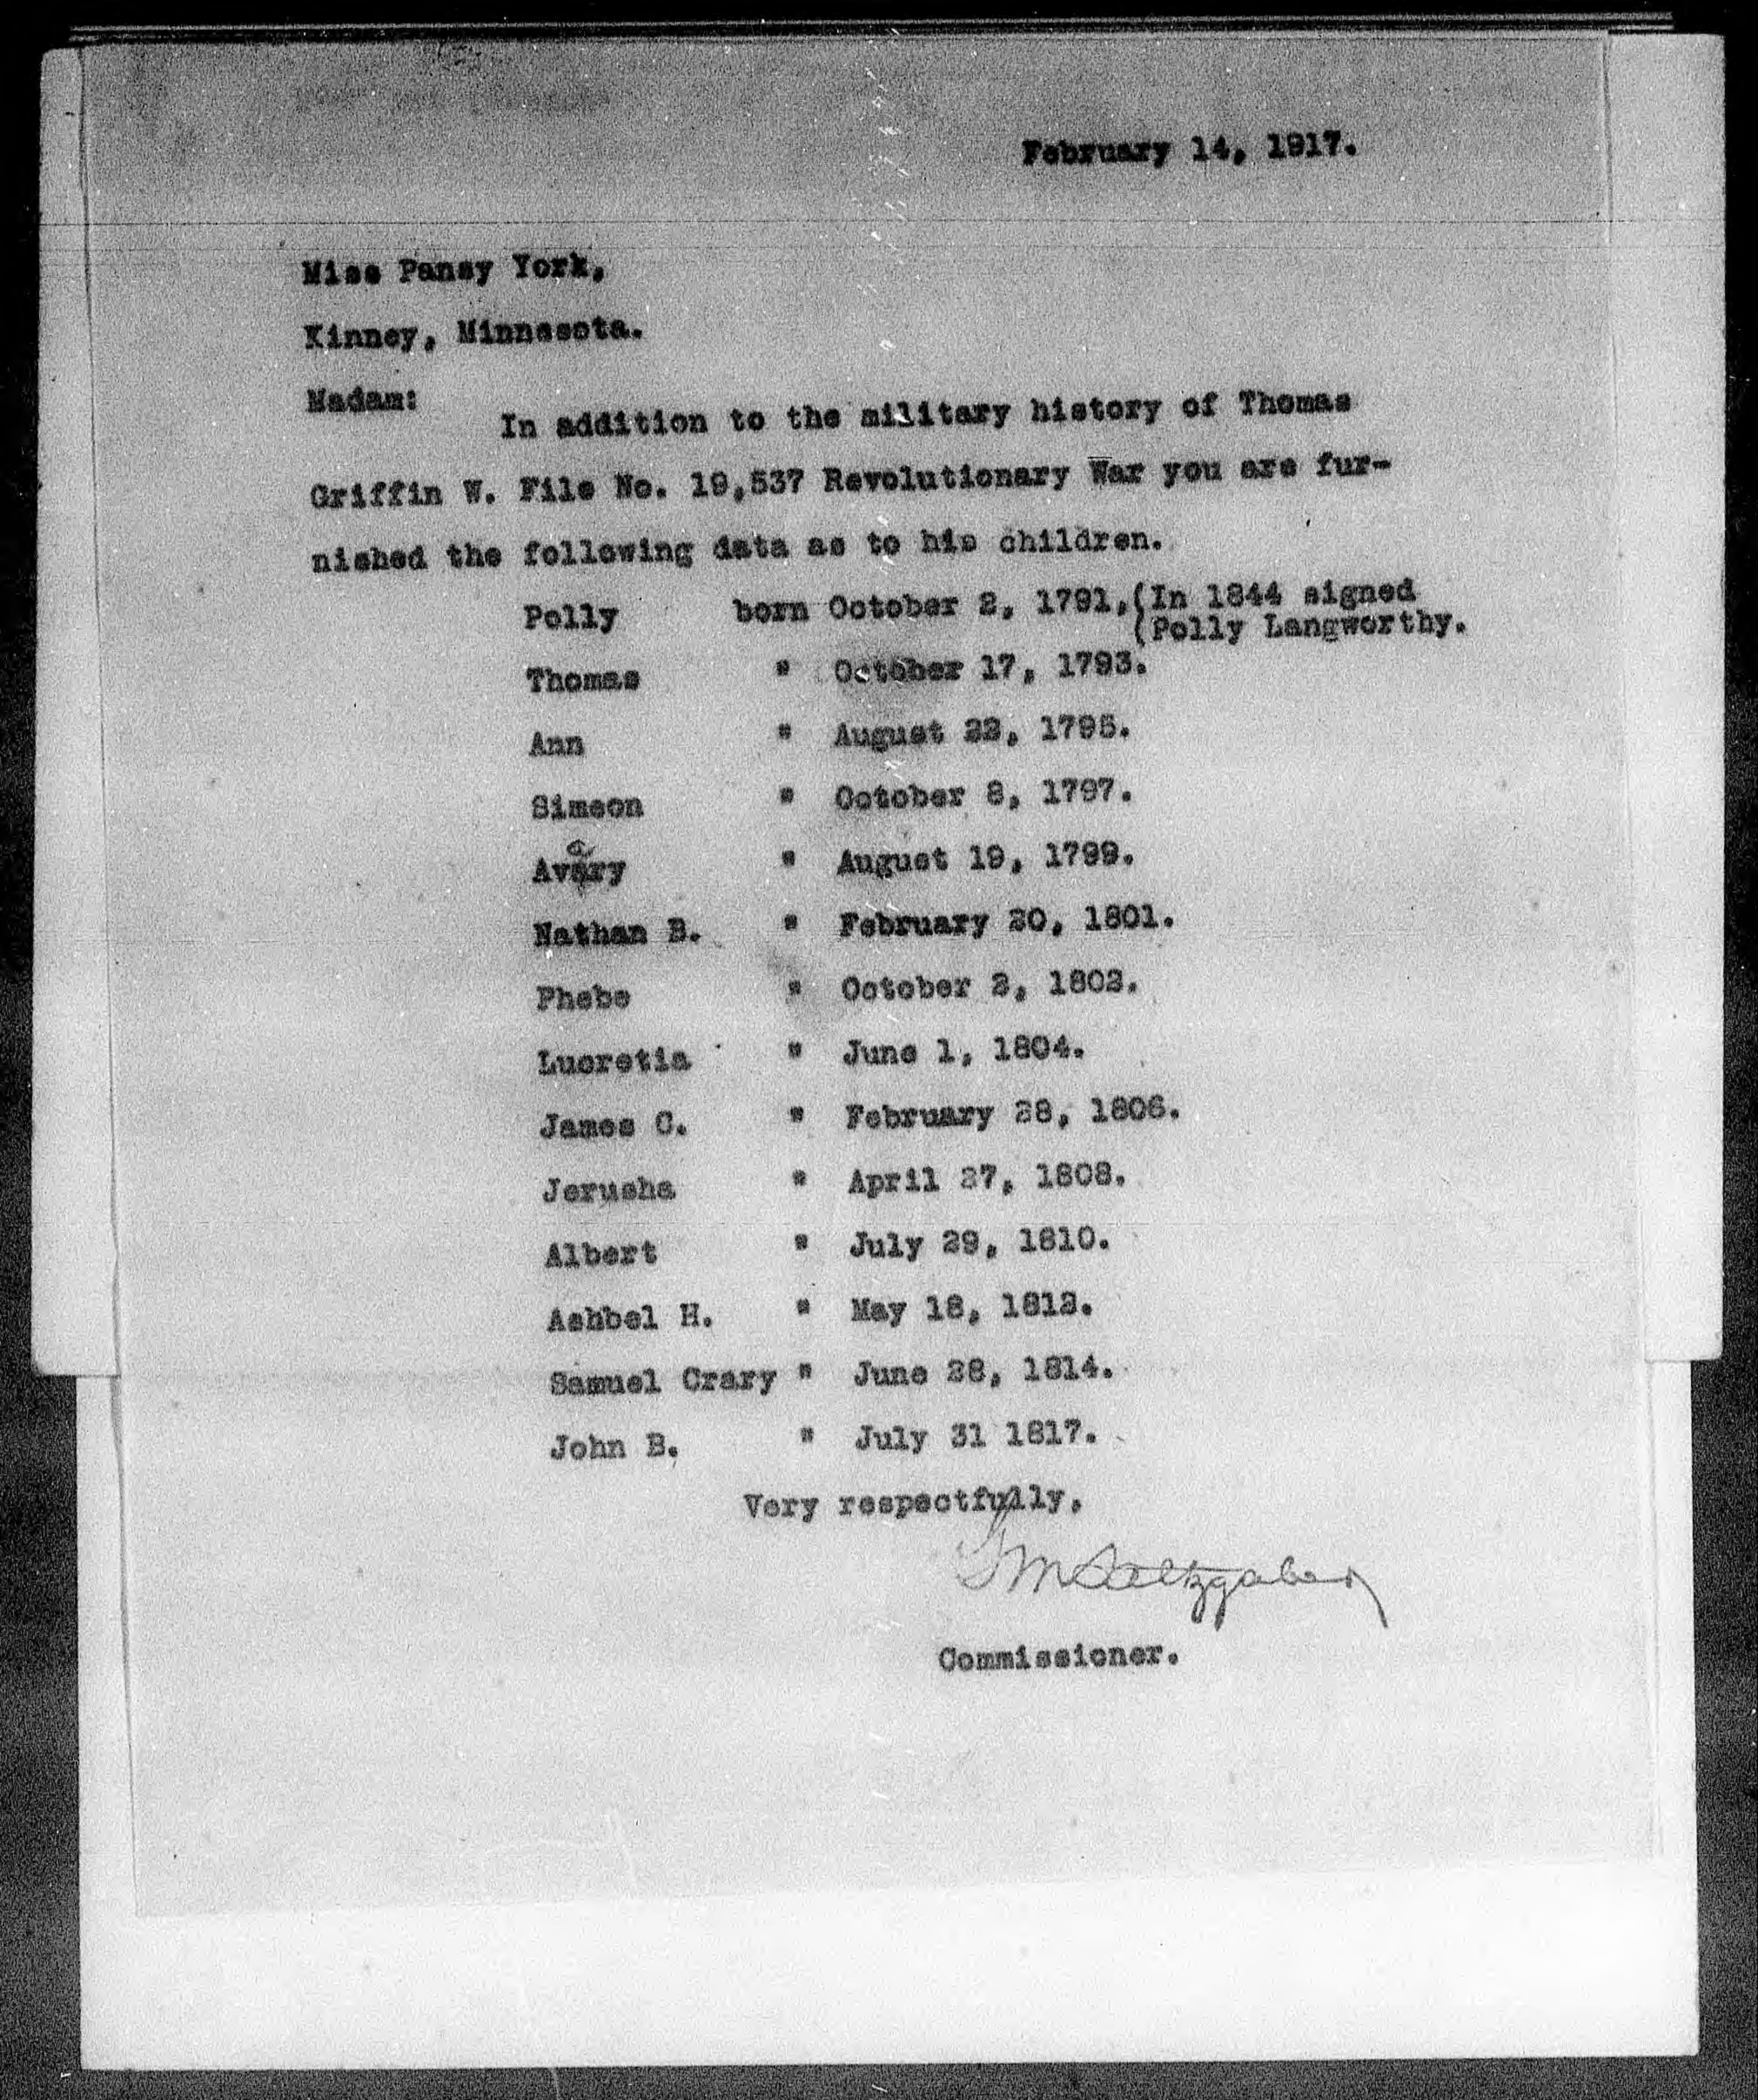February 14, 1917.

Miss Pansy York,

Kinney, Minnesota,

Madam: In addition to the military history of Thomas Griffin W. File No. 19,537 Revolutionary War you are furnished the following data as to his children.

Polly born October 2, 1791, (in 1844 signed 
(Polly Langworthy.
Thomas [born] October 17, 1793.
Ann [born] August 22, 1795.
Simeon [born] October 8, 1797.
Avary [born] August 19, 1799.
Nathan B. [born] February 20, 1801.
Phebe [born] October 2, 1802.
Lucretia [born] June 1, 1804.
James C. [born] February 28m 1806.
Jerusha [born] April 27, 1808.
Albert [born] July 29, 1810.
Ashbel H. [born] May 18, 1812.
Samuel Crary [born] June 28, 1814.
John B. [born] July 31 1817.

Very respectfully,

[Signature]

Commissioner.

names: James C, Ashbel H, Thomas Griffin, Nathan B, Simeon, Jerusha, G M Saltzgaber, Phebe, Polly, Albert, Samuel Crary, John B, Lucretia, Avary, Polly Langworthy, Thomas, Pansy York, Ann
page: 50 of 60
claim: widow's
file: W. 19,537, Thomas Griffin, Conn.